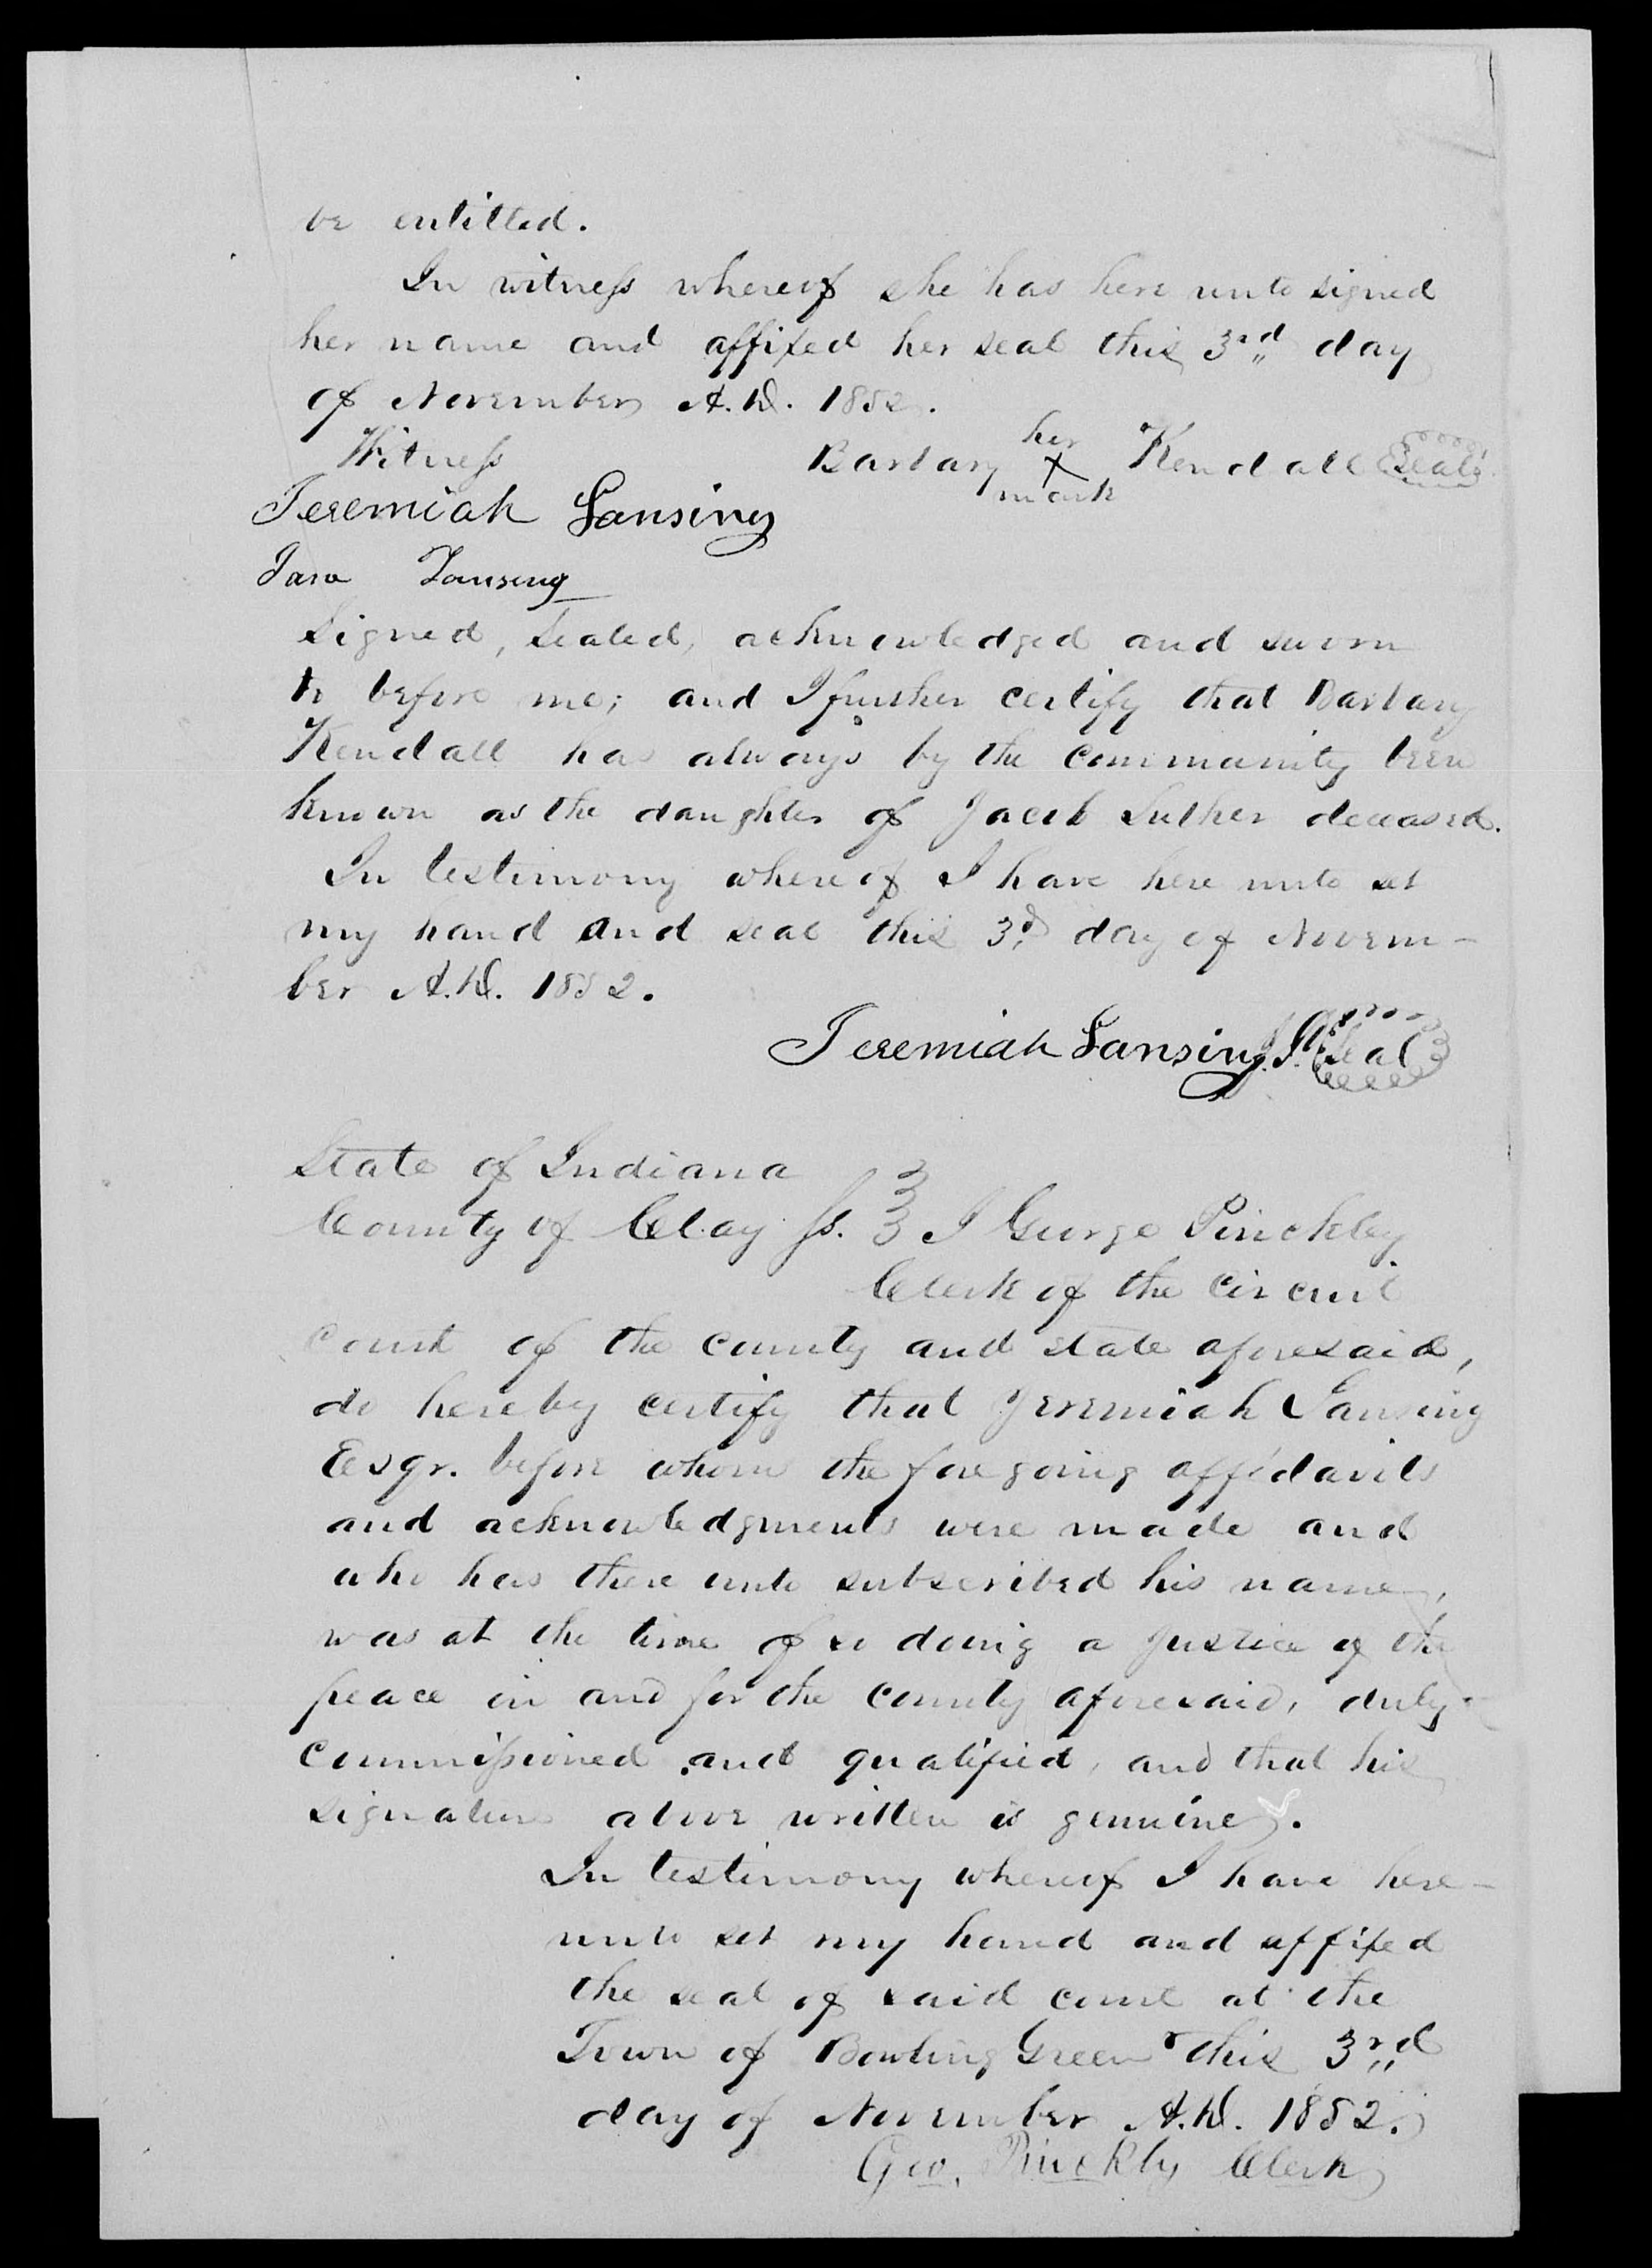or entitled.

In witness whereof she has hereunto signed her name and affixed her seal this 3rd day of November AD 1852.

Barbary Kendall
Her X Mark - SEAL

Witness
Jeremiah Lansing
Jara Lansing

Signed, sealed, acknowledged and sworn to before me; and I further certify that Barbary Kendall has always by the community been known as the daughter of Jacob Luther deceased.

In testimony whereof I have hereunto set my hand and seal this 3rd day of November AD 1852

Jeremiah Lansing - JP SEAL

State of Indiana
County of Clay

I George Pinckley Clerk of the Circuit Court of the County and state aforesaid do hereby certify that Jeremiah Lansing Esq before whom the forgoing affidavits and acknowledgements were made and who has thereunto subscribed his name was at the time of so doing a Justice of the Peace in and for the county aforesaid, duly commissioned and qualified and that his signature as written is genuine.

In testimony whereof I have hereunto set my hand and affixed the seal of said court at the Town of Bowling Green this 3rd day of November AD 1852.

Geo Pinckley - Clerk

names: Jara Lansing; George Pinckley; Jacob Luther; Barbary Kendall; Jeremiah Lansing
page: 12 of 23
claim: rejected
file: R. 6533, for Jacob Luther, Maryland